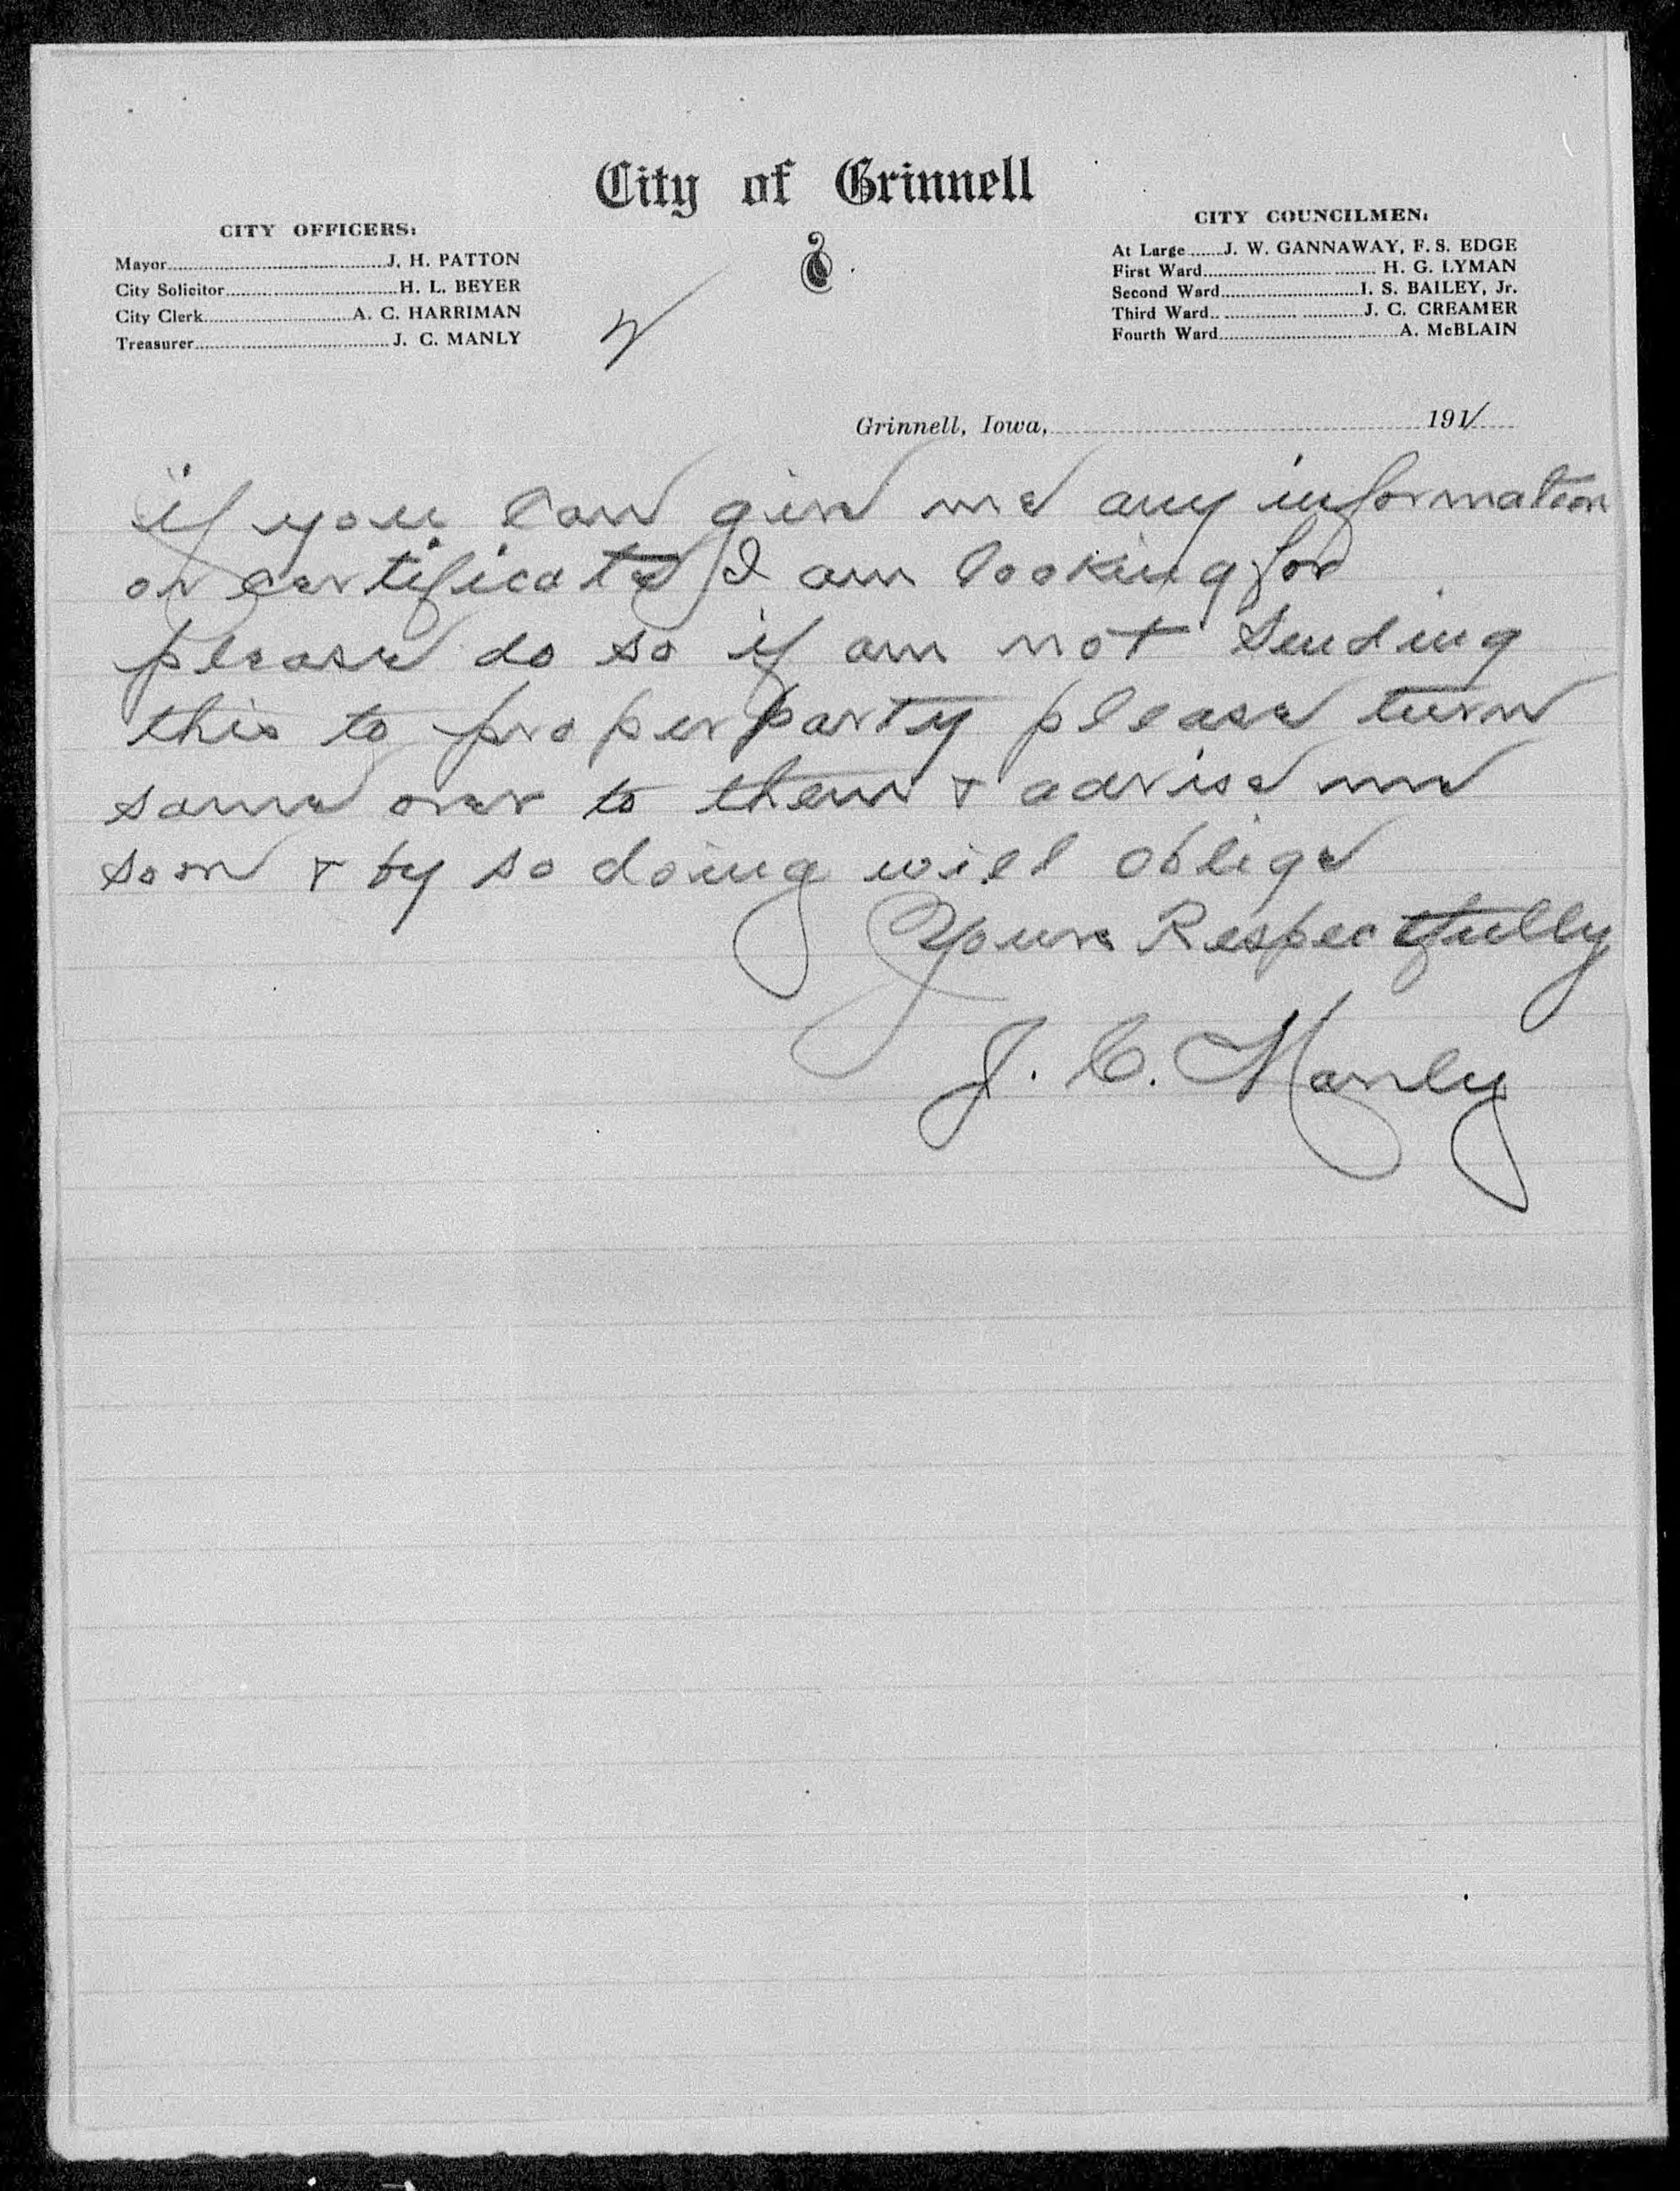CITY OF GRINNELL

CITY OFFICERS:
Mayor.....J. H. PATTON
City Solicitor.... H. L. BEYER
City Clerk..... A. C. HARRIMAN
Treasurer.... J. C. MANLY

CITY COUNCILMEN.
At Large.... J.W. GANNAWAY, F. S. EDGE
First Ward ......H. G. LYMAN
Second Ward.....I. S. BAILEY, Jr.
Third Ward.....J. C. CREAMER
Fourth Ward.... A. McBLAIN

Grinnell, Iowa,........1911

if you can give me any information of certificate I am looking for please do so if am not sending this to proper party please turn
same over to them & advise me soon & by so doing will oblige
Yours Respectfully
J. C. Manly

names: J W Gannaway, H G Lyman, A Mc Blain, J C Manly, I S Bailey, A C Harriman, J C Manly, J H Patton, H L Beyer, F S Edge, J C Creamer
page: 33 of 33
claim: widow's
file: W. 4681, Josiah Gibbs, Mass